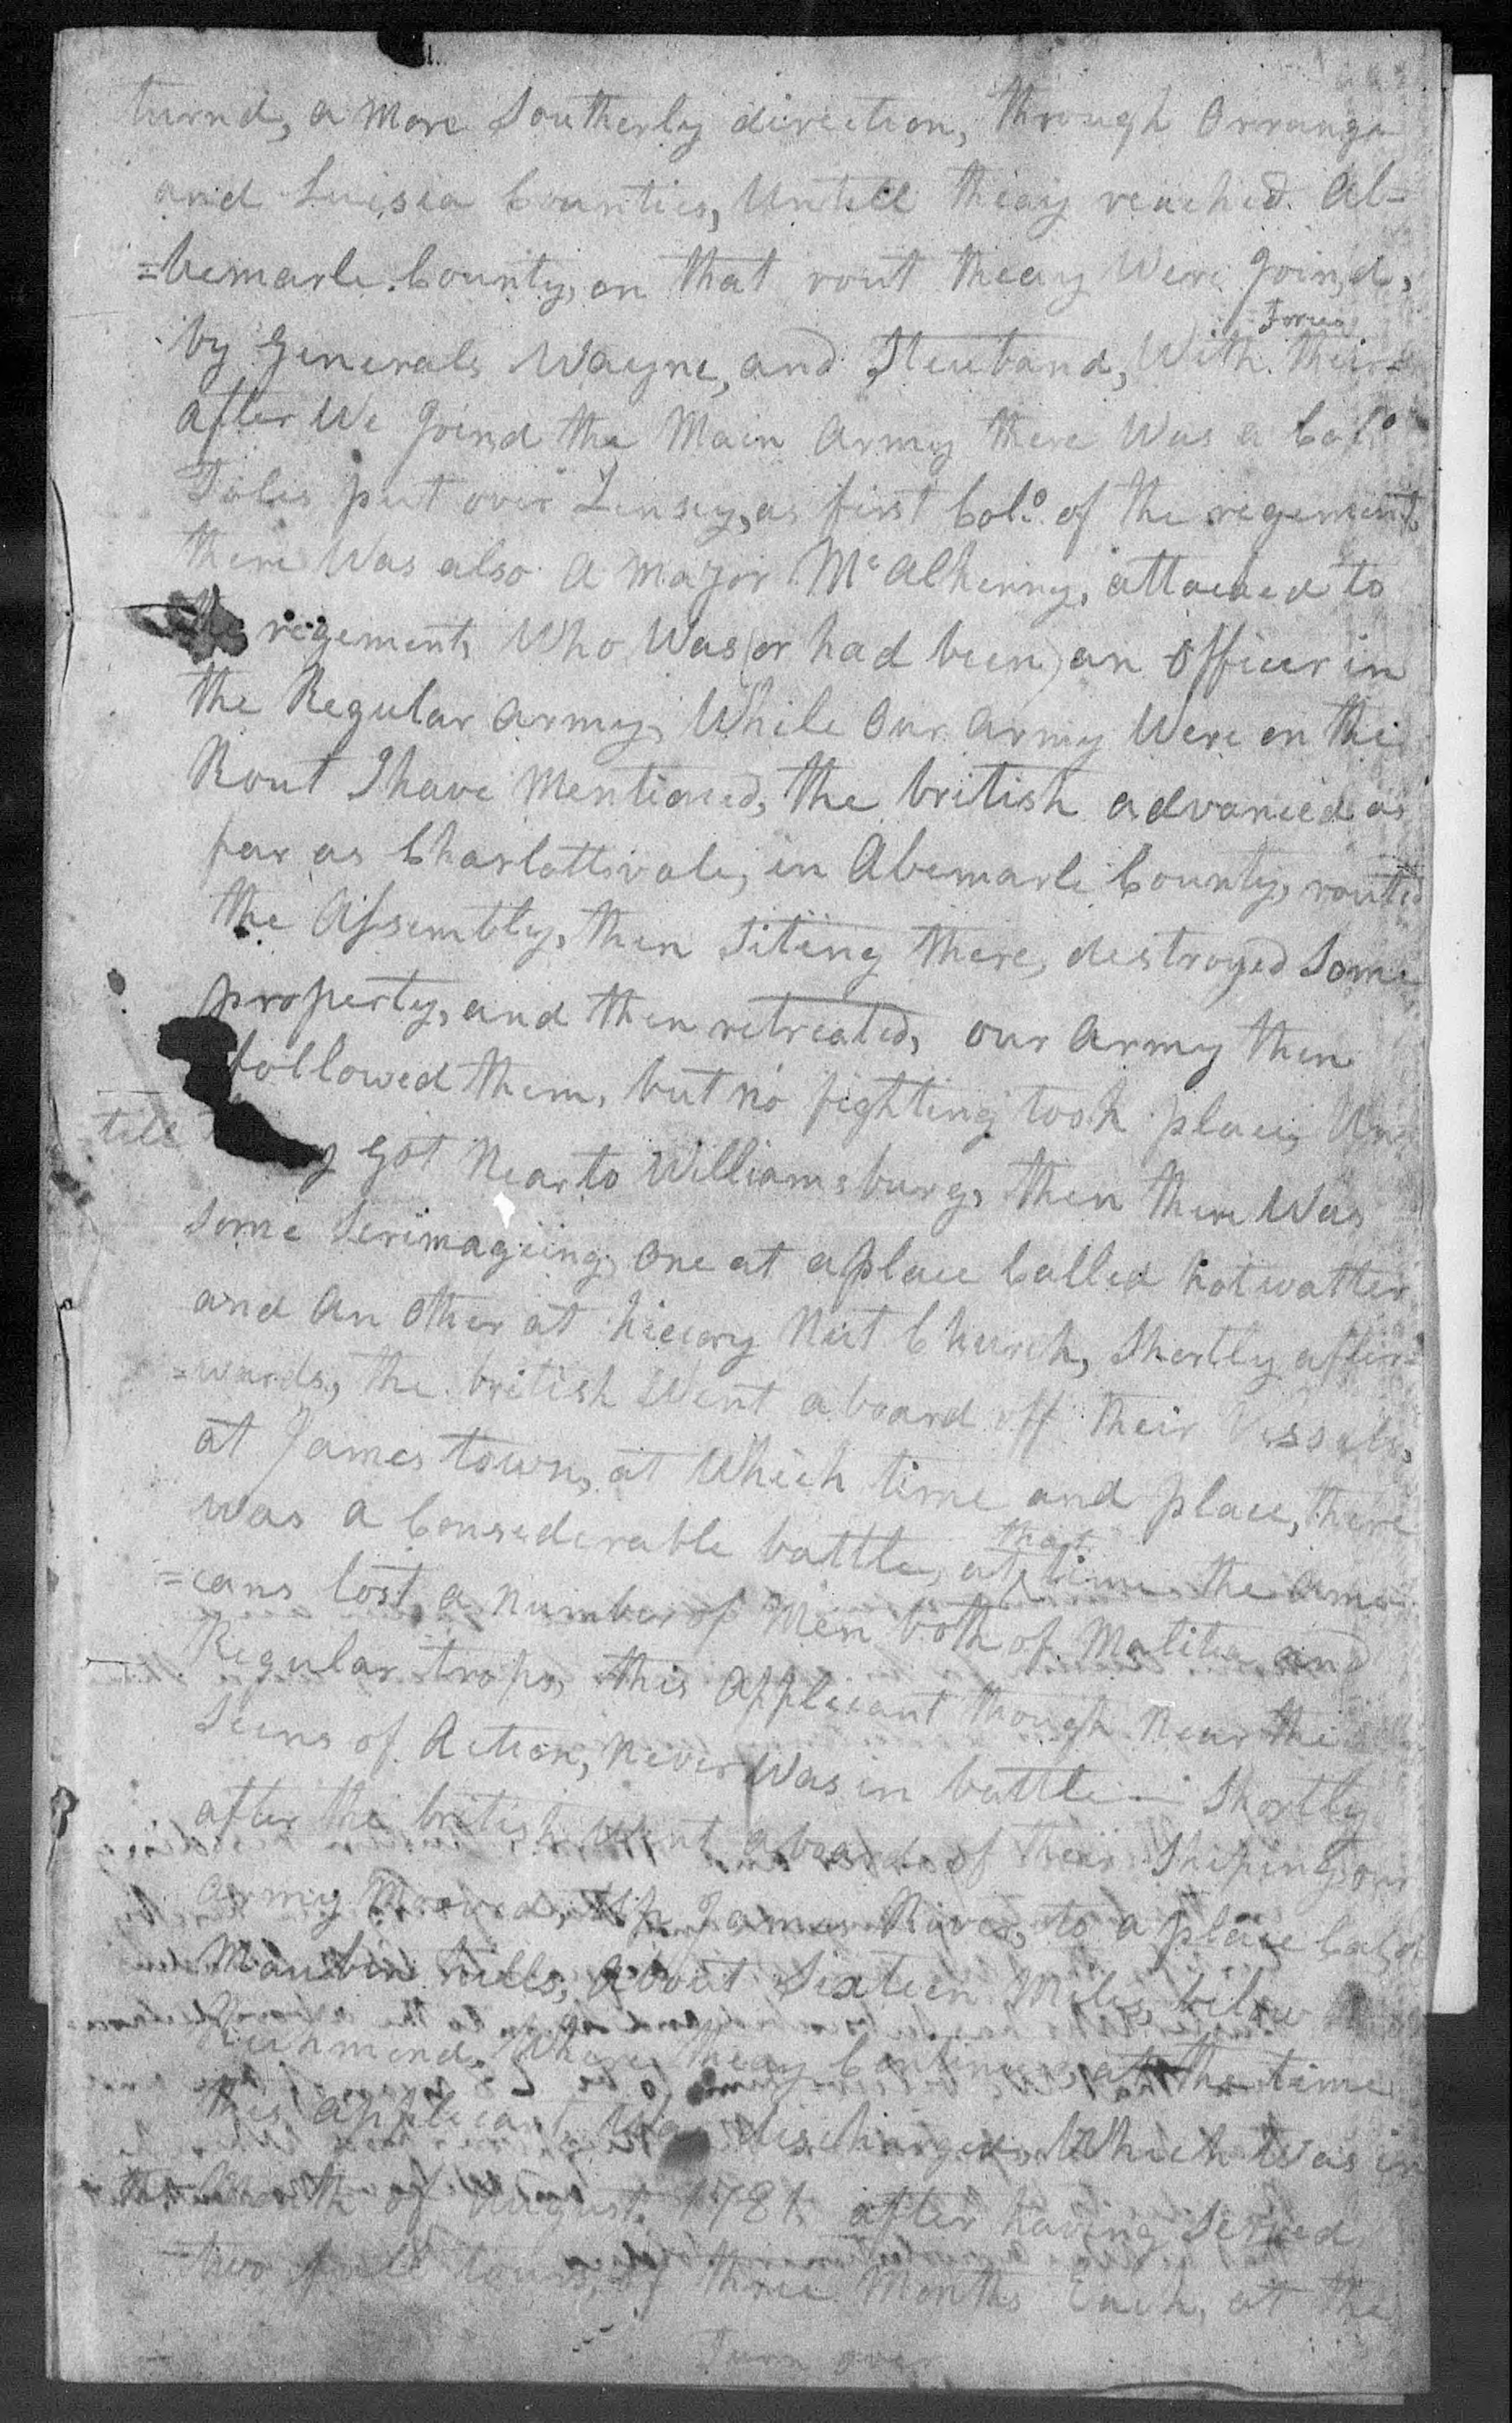turnd(sic), a more Southerly direction, through Orrange(sic) amd Luisa(sic) Counties, untill(sic) theay(sic) reached Albemarle County, on that rout(sic) theay(sic) were join,d, by General Wayne, and Steuband, with [illegible] their after we join,d the main army there was a Colo Tolis put over Linsey, as first Colo of the regiment, there was also a Major McAlhenny, attached to th regiment, who was (or had been) an officer in the Regular Army, while our Army were on the rout(sic) I have mentioned, the british advanced as far as Charlottsvale(sic), in Abemarle(sic) County, routed the assembly, then siting(sic) there, destroyed some property, and then retreated, our Army then followed them, but no fighting took place, untill(sic) [they] got near to Williamsburg, then there was some scrimageing(sic) one at a place called hot watter(sic) and an other at [illegible] Church, shortly aterwards, the british went aboard of their vessels at James town, at which time and place, there was a considerable battle, at ^that time, the Americans lost a number of men both of Malitia(sic) and Regular trops(sic), this applicant though near the [illegible] of [illegible], never was in battle_ Shortly after the british went aboard of their shiping(sic), our Army mooved(sic) up James River, to a place cal,d Maubin hills, about sixteen miles, before Richmond where theay(sic) continued at the time this applicant was discharged which was in the month of August 1781, after having served two full tours of three months each, at the 

turn over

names: Tales, Mc Alhenny, Wayne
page: 7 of 71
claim: widow's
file: W. 25310, Claudius Buster, Va.